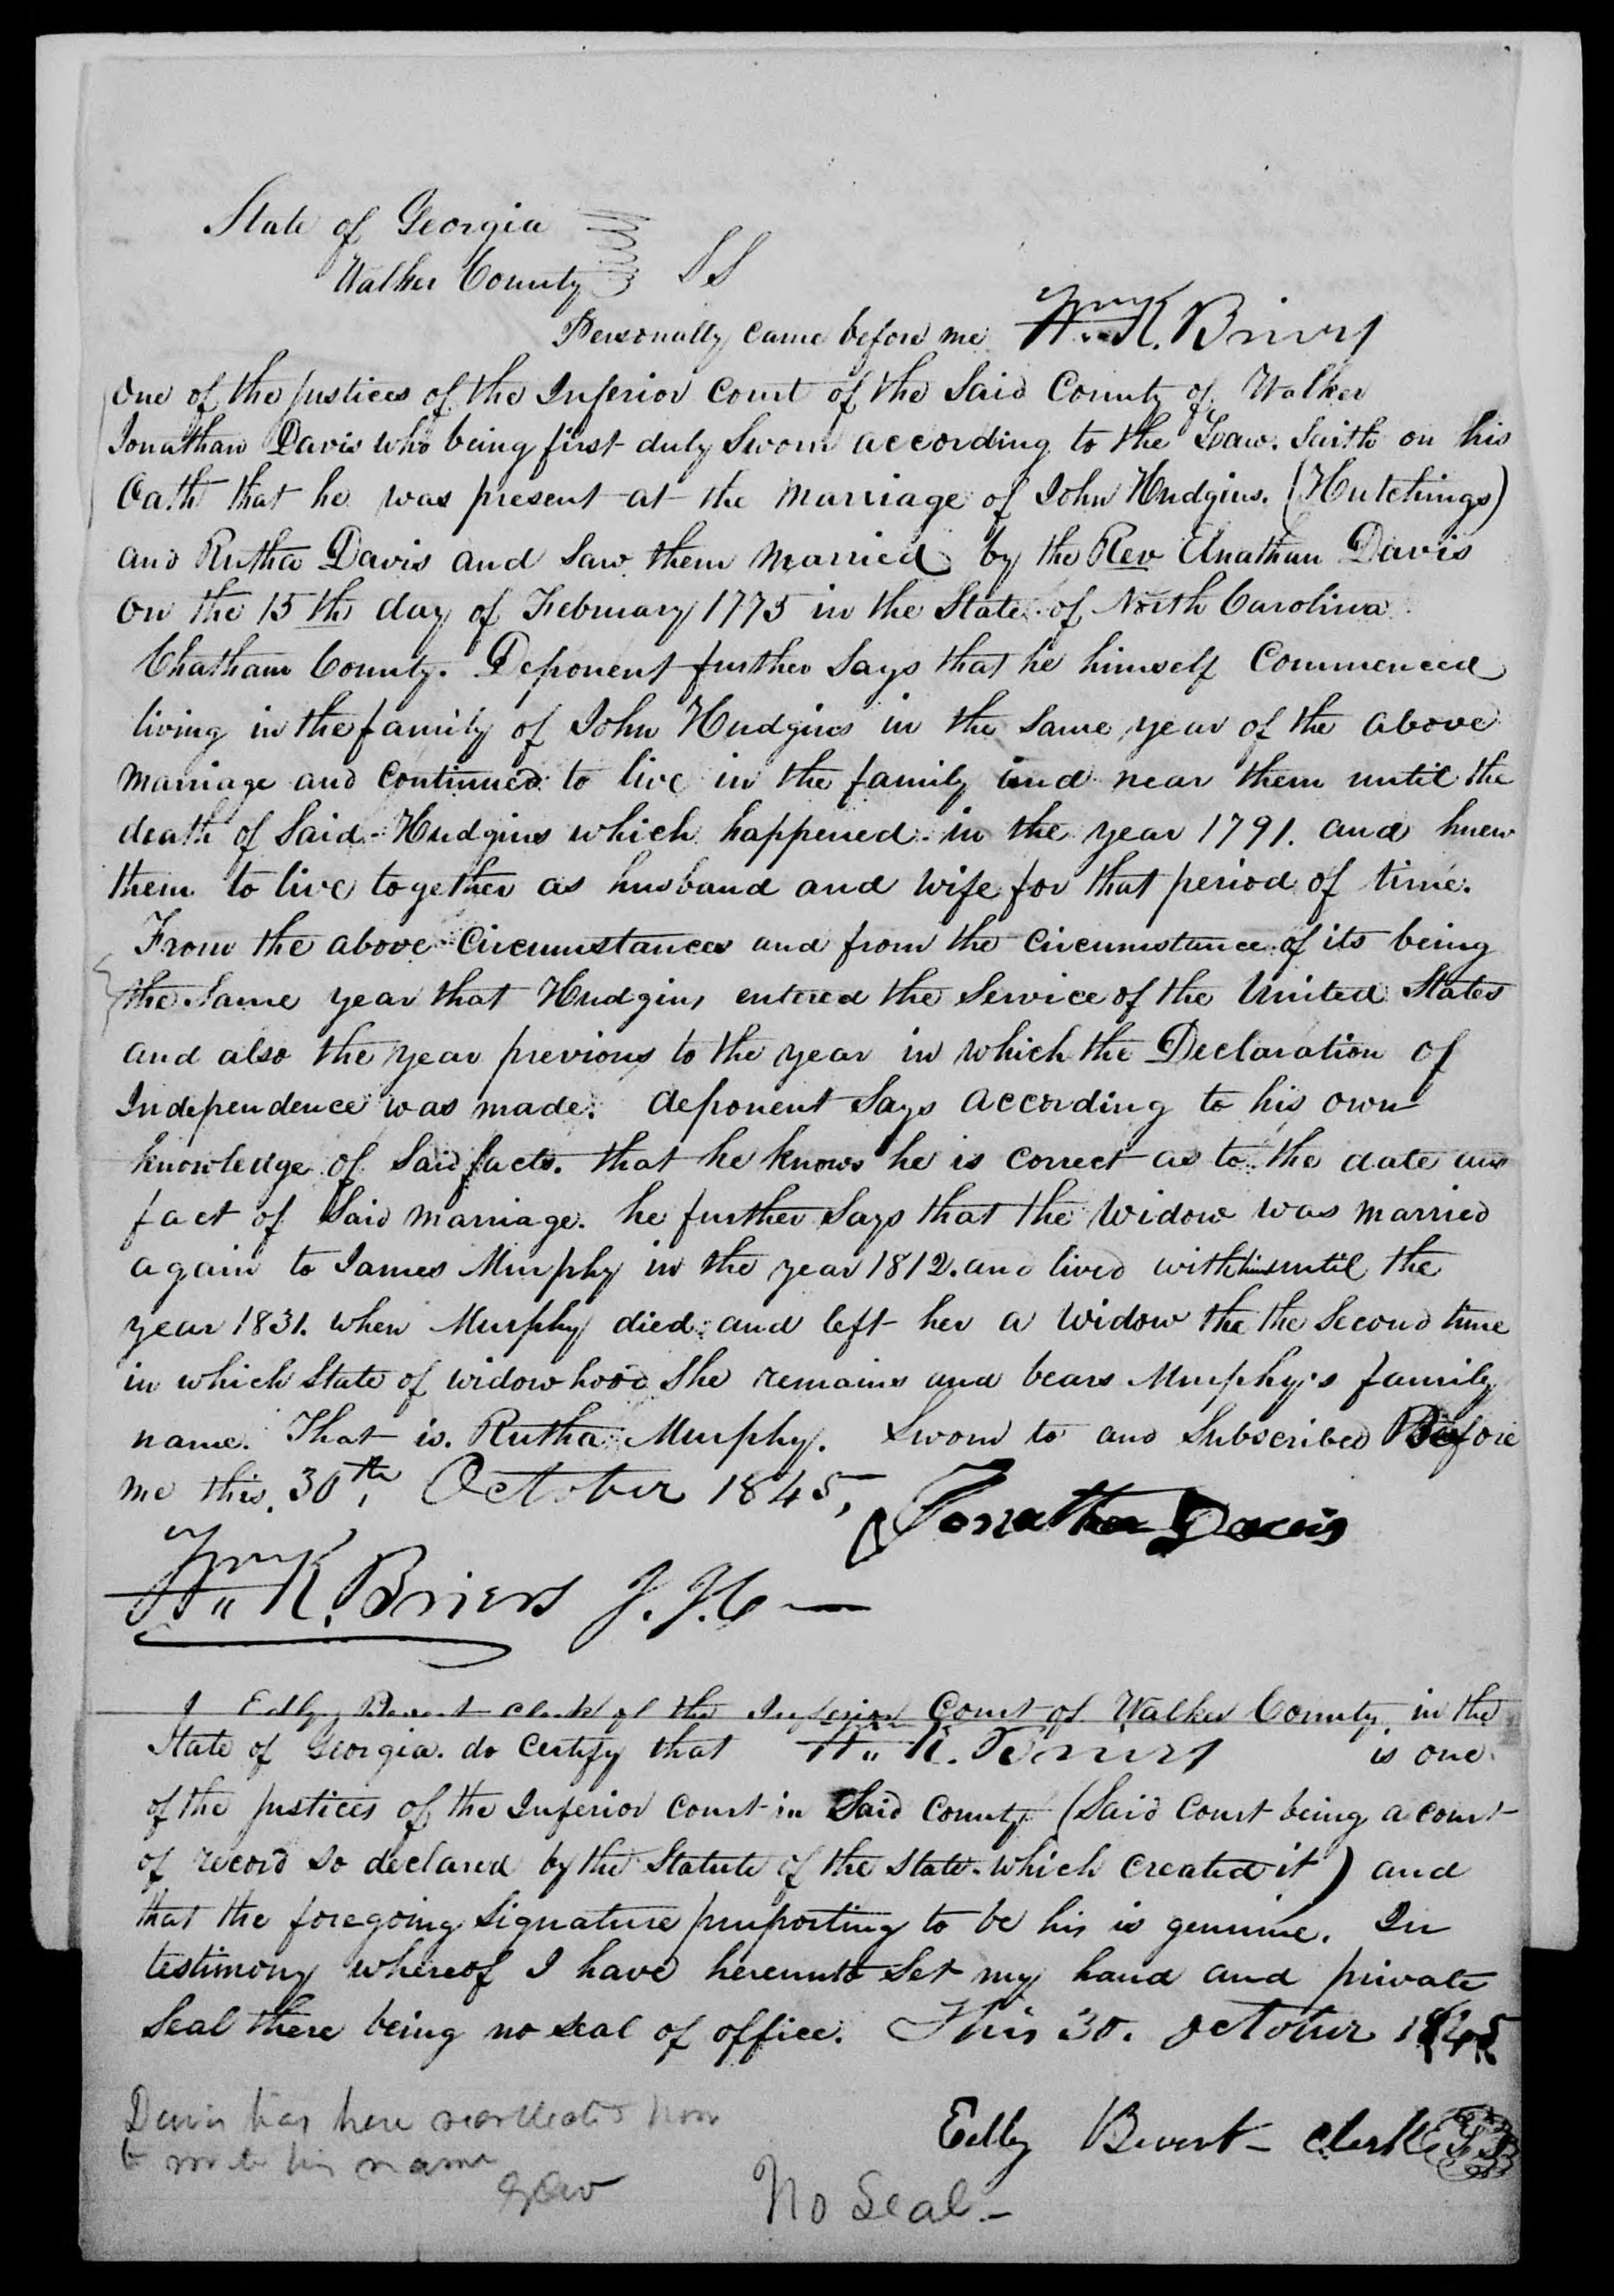State of Georgia. (Vertical lines with initials SS)
Walker County 

Personally came before me Wm K Briers One of the Justices of the Interior Court of the Said County of Walker Jonathan Davis was being first duly sworn according to the Law, Saith on his Oath that he was present at the marriage of John Hudgins (Hutchings) and Ruth’s Davis and saw them married by the Rev (underlined) Elnathan Davis on the 15th day of February 1775 in the State of North Carolina Chatham County.  Despondent further says that he himself commenced living in the family of John Hudgins in the same year of the above marriage and continued to live in the family land near them until the death of Said Hudgins which happened in the year 1791. And knew them to live together as husband and wife for that period of time. From the above circumstances and from the circumstance of its being the same year that Hudgins entered the Service of the United States and also the year previous to to the year in which the declaration of independence was made. Deponent says, according to his own knowledge of said fax that he knows he is correct as to the dates and fact of said marriage. He further says that the widow was married again to James Murphy in the year 1812 and lived with until the year 1831. When Murphy died; and left her a widow the the second time in which state of widow hood she remains and bears Murphy’s family name. That is Rutha Murphy. Sworn to and subscribed before me this 30th October 1845.
Jonathon Davis
Wm K Briefs J.P - 

I Edly Breft clerk of the Interior Court of Walker County in the State of Georgia do certify that Wm Ks Briers is one of the Justices of the Interior Court in Said County (Said Court being a court of record so declared by the Statute of the State which created it) and that the foregoing Signature purporting to be his is genuine. In testimony whereof I have hereunto set my hand and private seal of there being no seal of office.  This 30. October 1845 Edly Breft clerk with his initials in a fancy circle with cut edges.
(No Seal stated)  is located at bottom of page
There are a couple of sentences handwritten at bottom left side very light, appears to be a shorthand with initials SCW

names: Wm K Briers, Rutha Davis, Elnathan Davis, John Hudgins, Edly Bevert, Jonathan Davis, John Hutchings, Rutha Murphy, James Murphy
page: 74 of 108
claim: rejected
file: R. 7,515, John Hudgins, N.C.